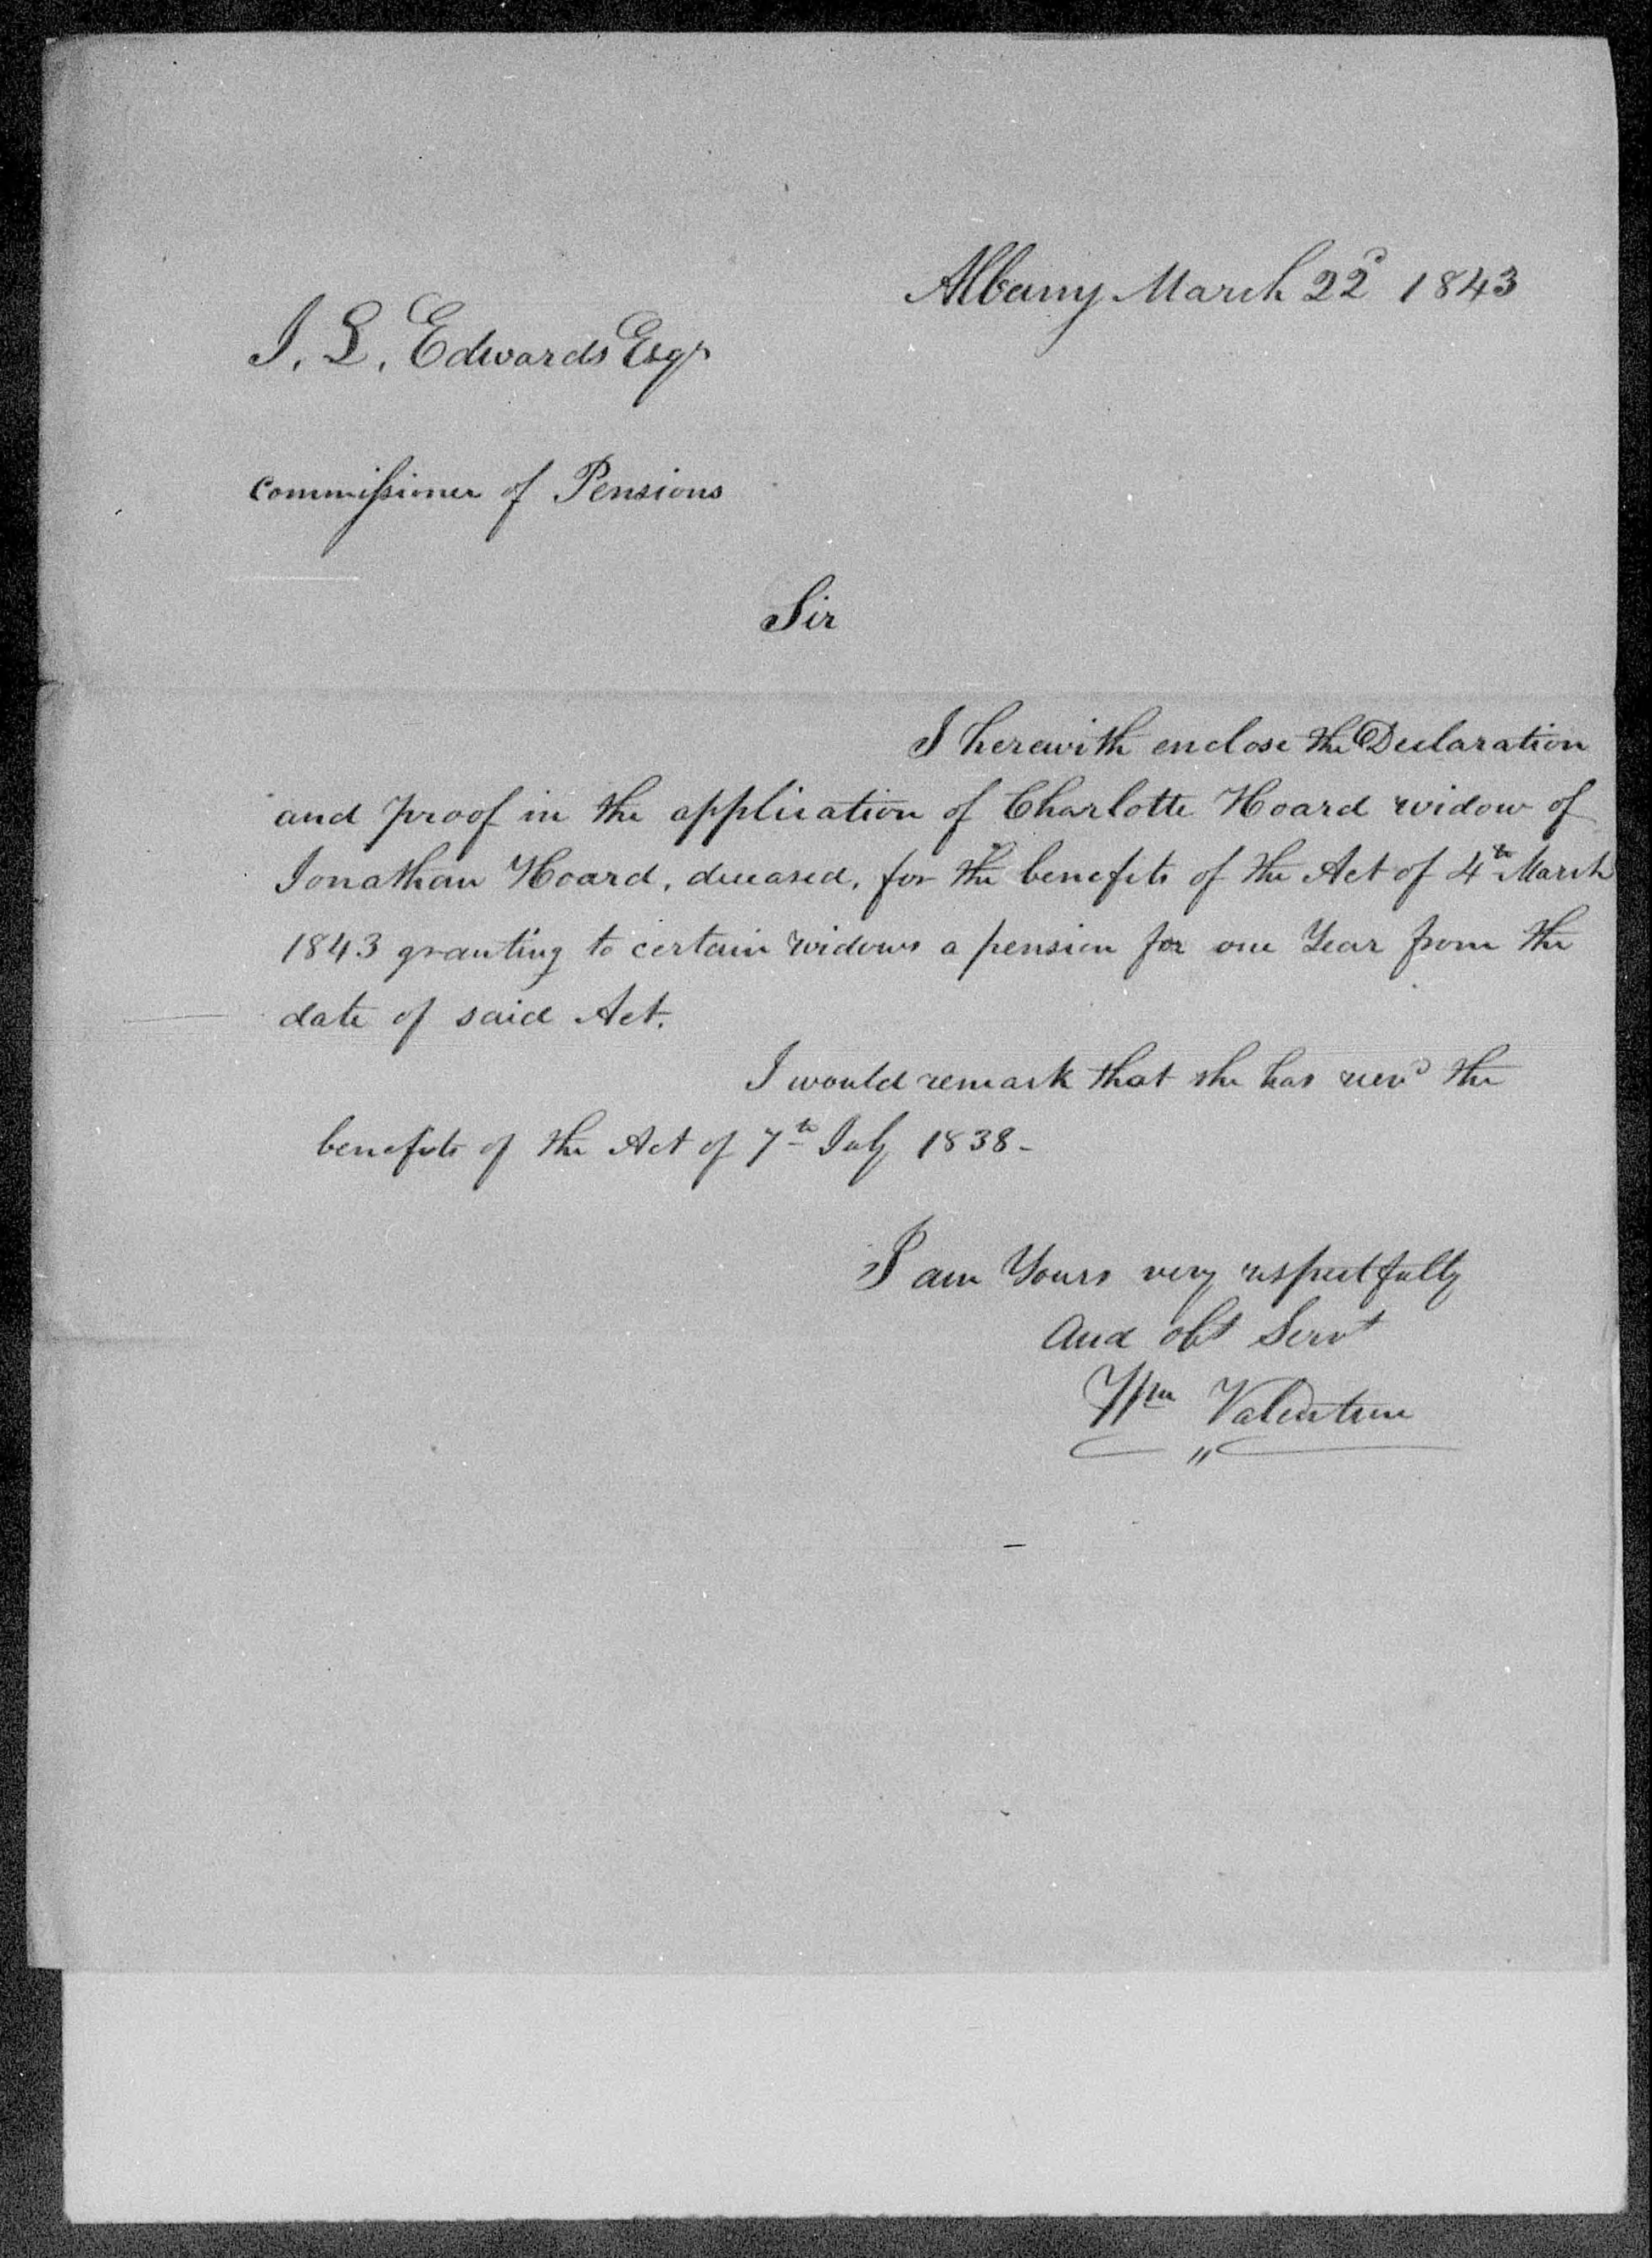Albany March 22d 1843
J. L. Edwards Esq
Commissioner of Pensions
Sir
I herewith enclose the Declaration
and proof in the application of Charlotte Hoard widow of
Jonathan Hoard, deceased, for the benefits of the Act of 4th March
1843 granting to certain widows a pension for one Year from the
date of said Act.
I would remark that she has recd the
benefit of the Act of 7th July 1838.
I am Yours very respectfully
and obt Servt
Wm Valentine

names: J L Edwards, Charlotte Hoard, Jonathan Hoard, Wm Valentine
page: 25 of 52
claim: widow's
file: W 19755, Jonathan Hoard, Mass.